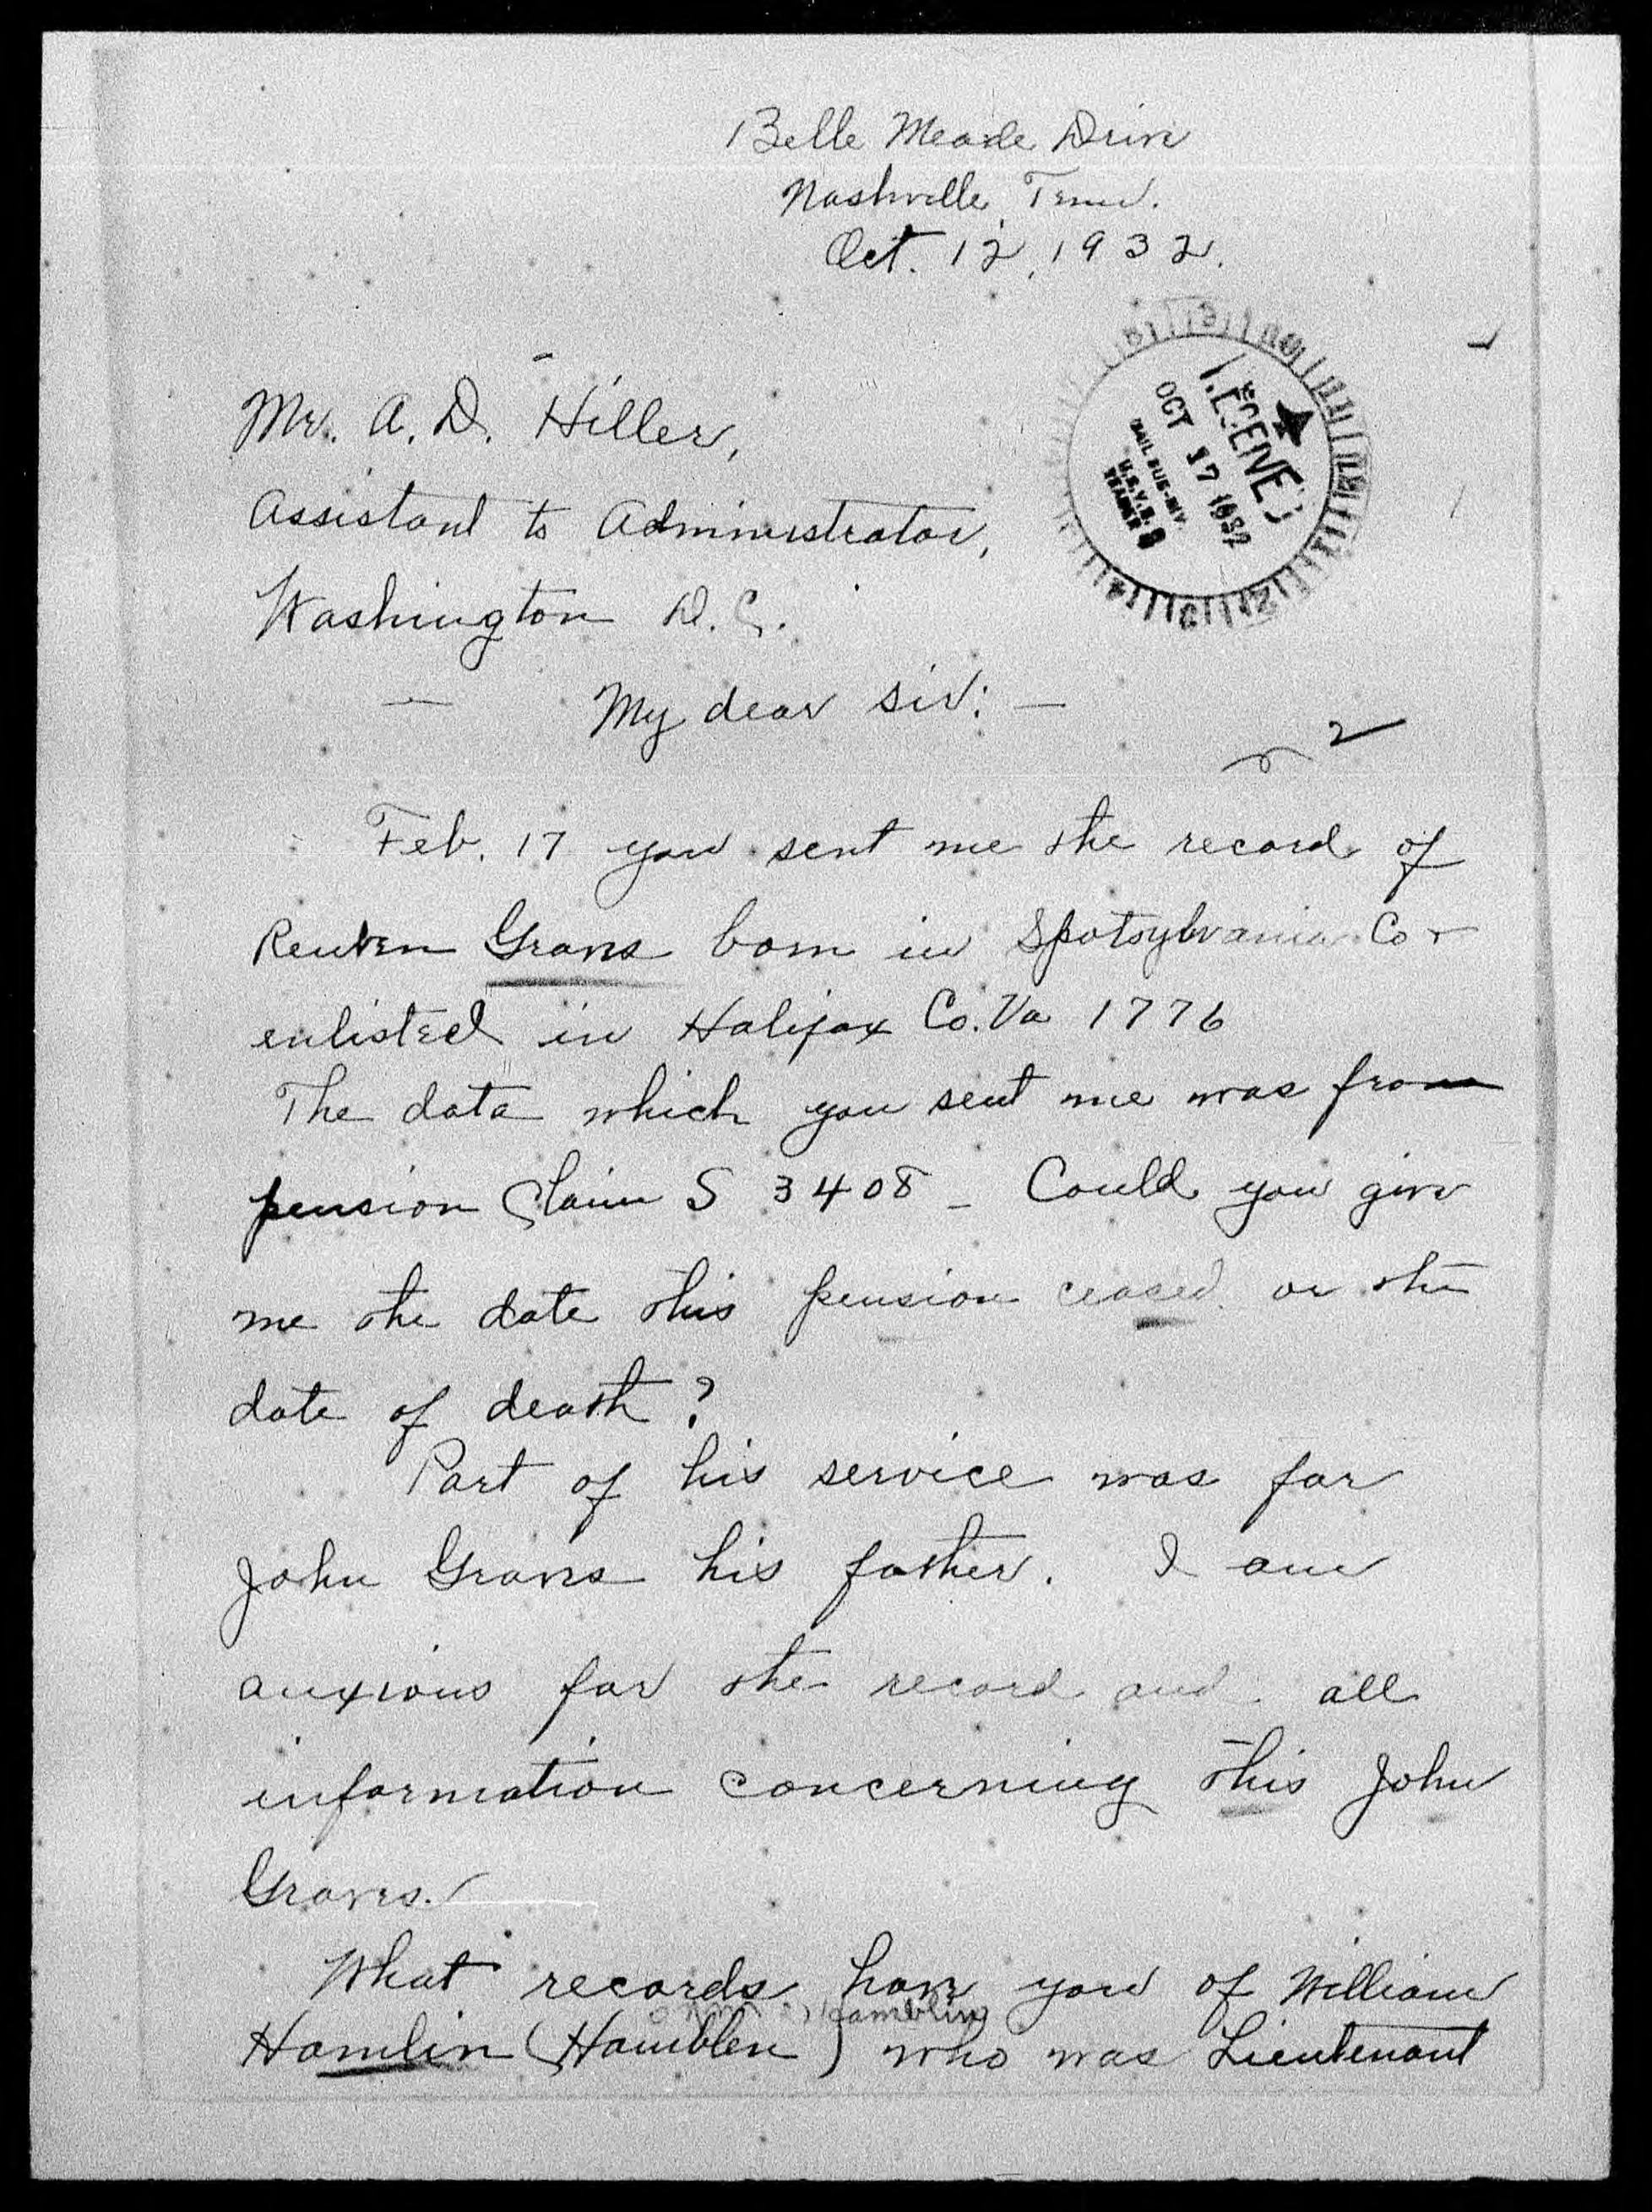Belle Meade Drive
Nashville, Tenn
Oct. 12, 1932

Mr. A.D. Hiller,
Assistant to Administrator,
Washington, D.C.

My dear sir:

Feb. 17, you sent me the record of Reuben Graves born in Spotsylvania Co. and enlisted in Halifax Co, 1776
The data which you sent me from pension claim S. 3408 Could you give me the date this pension ceased or the date of death?
Part of his service was for John Graves his father.  I am anxious for the record and all information concerning this John Graves
What records have you of Wiliam Hamlin (Hamblen) who was Lieutenant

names: John Graves, Belle Meade Drive, William Hamlin, Reuben Graves, John Graves, A D Hiller, William Hamblin, William Hamblen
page: 20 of 22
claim: survivor's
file: S. 3408, Reuben Graves, Va.